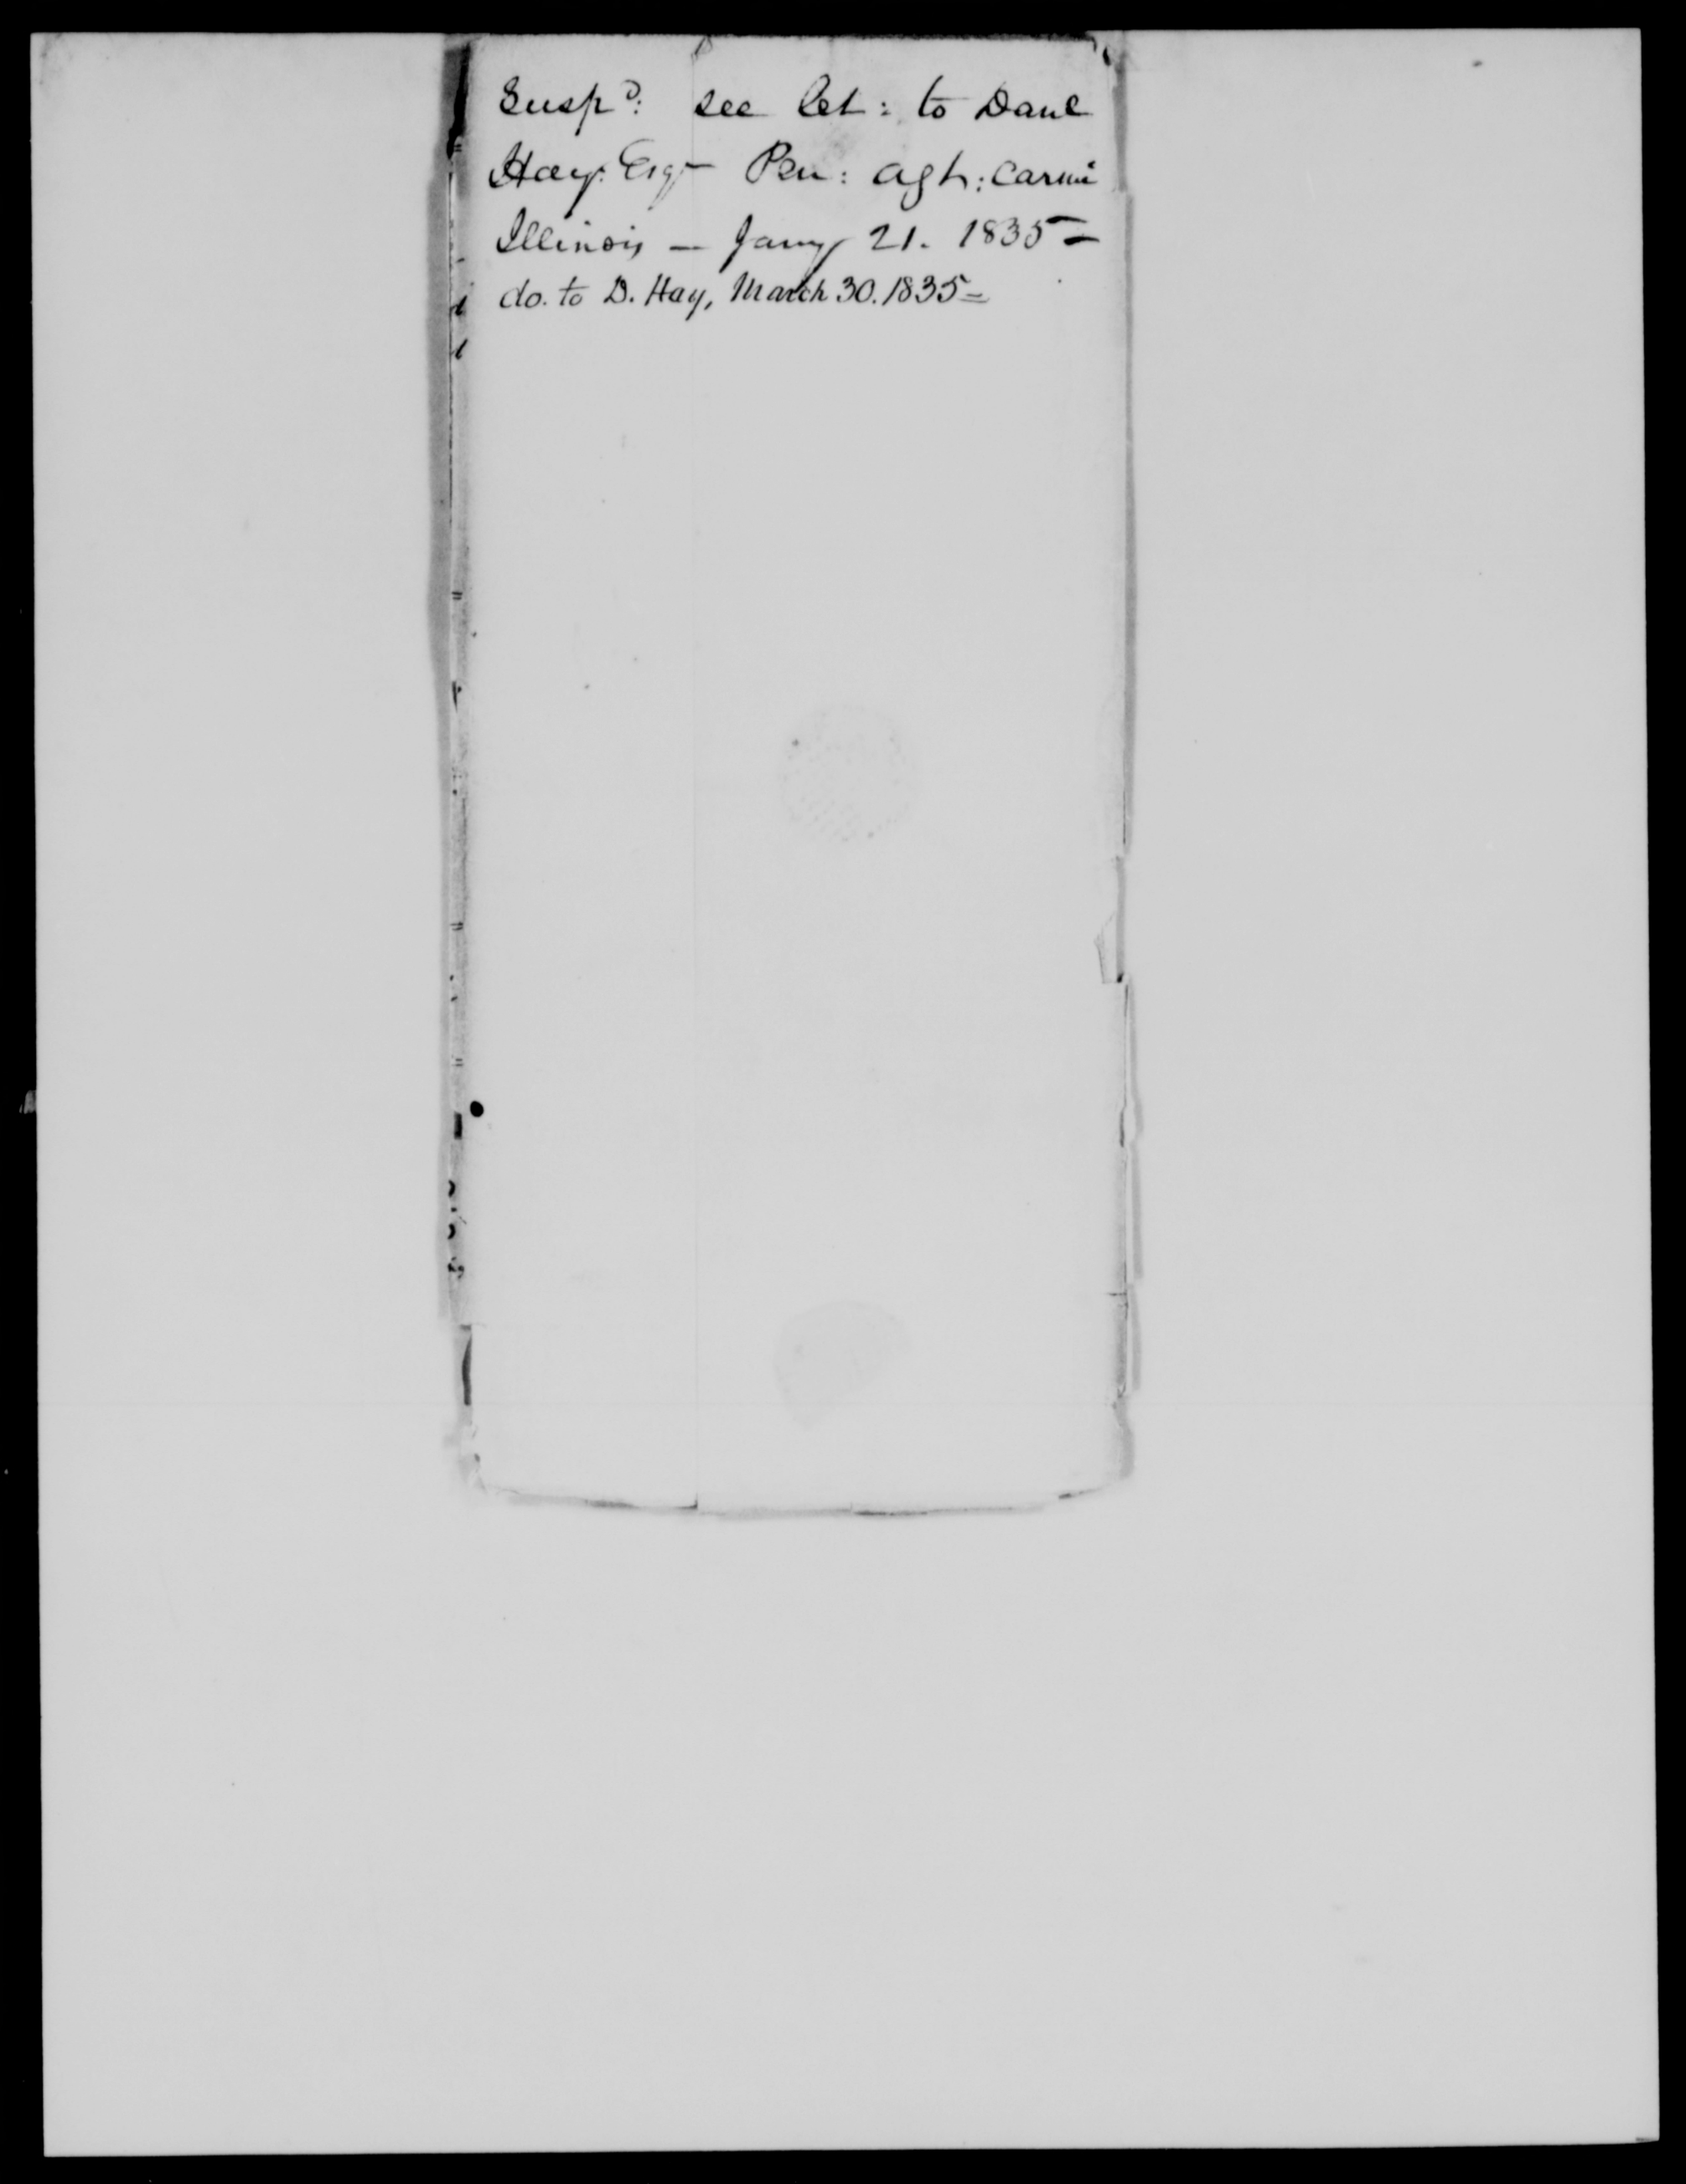Suspd: see let: to Danl
Hay: Esqr Pen: Agt: Carmi
Illinois — Jany 21, 1835 —
do. To D. Hay, March 30, 1835 =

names: Danl Hay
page: 3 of 31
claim: survivor's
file: S. 32608, William Wiggs, N.C.